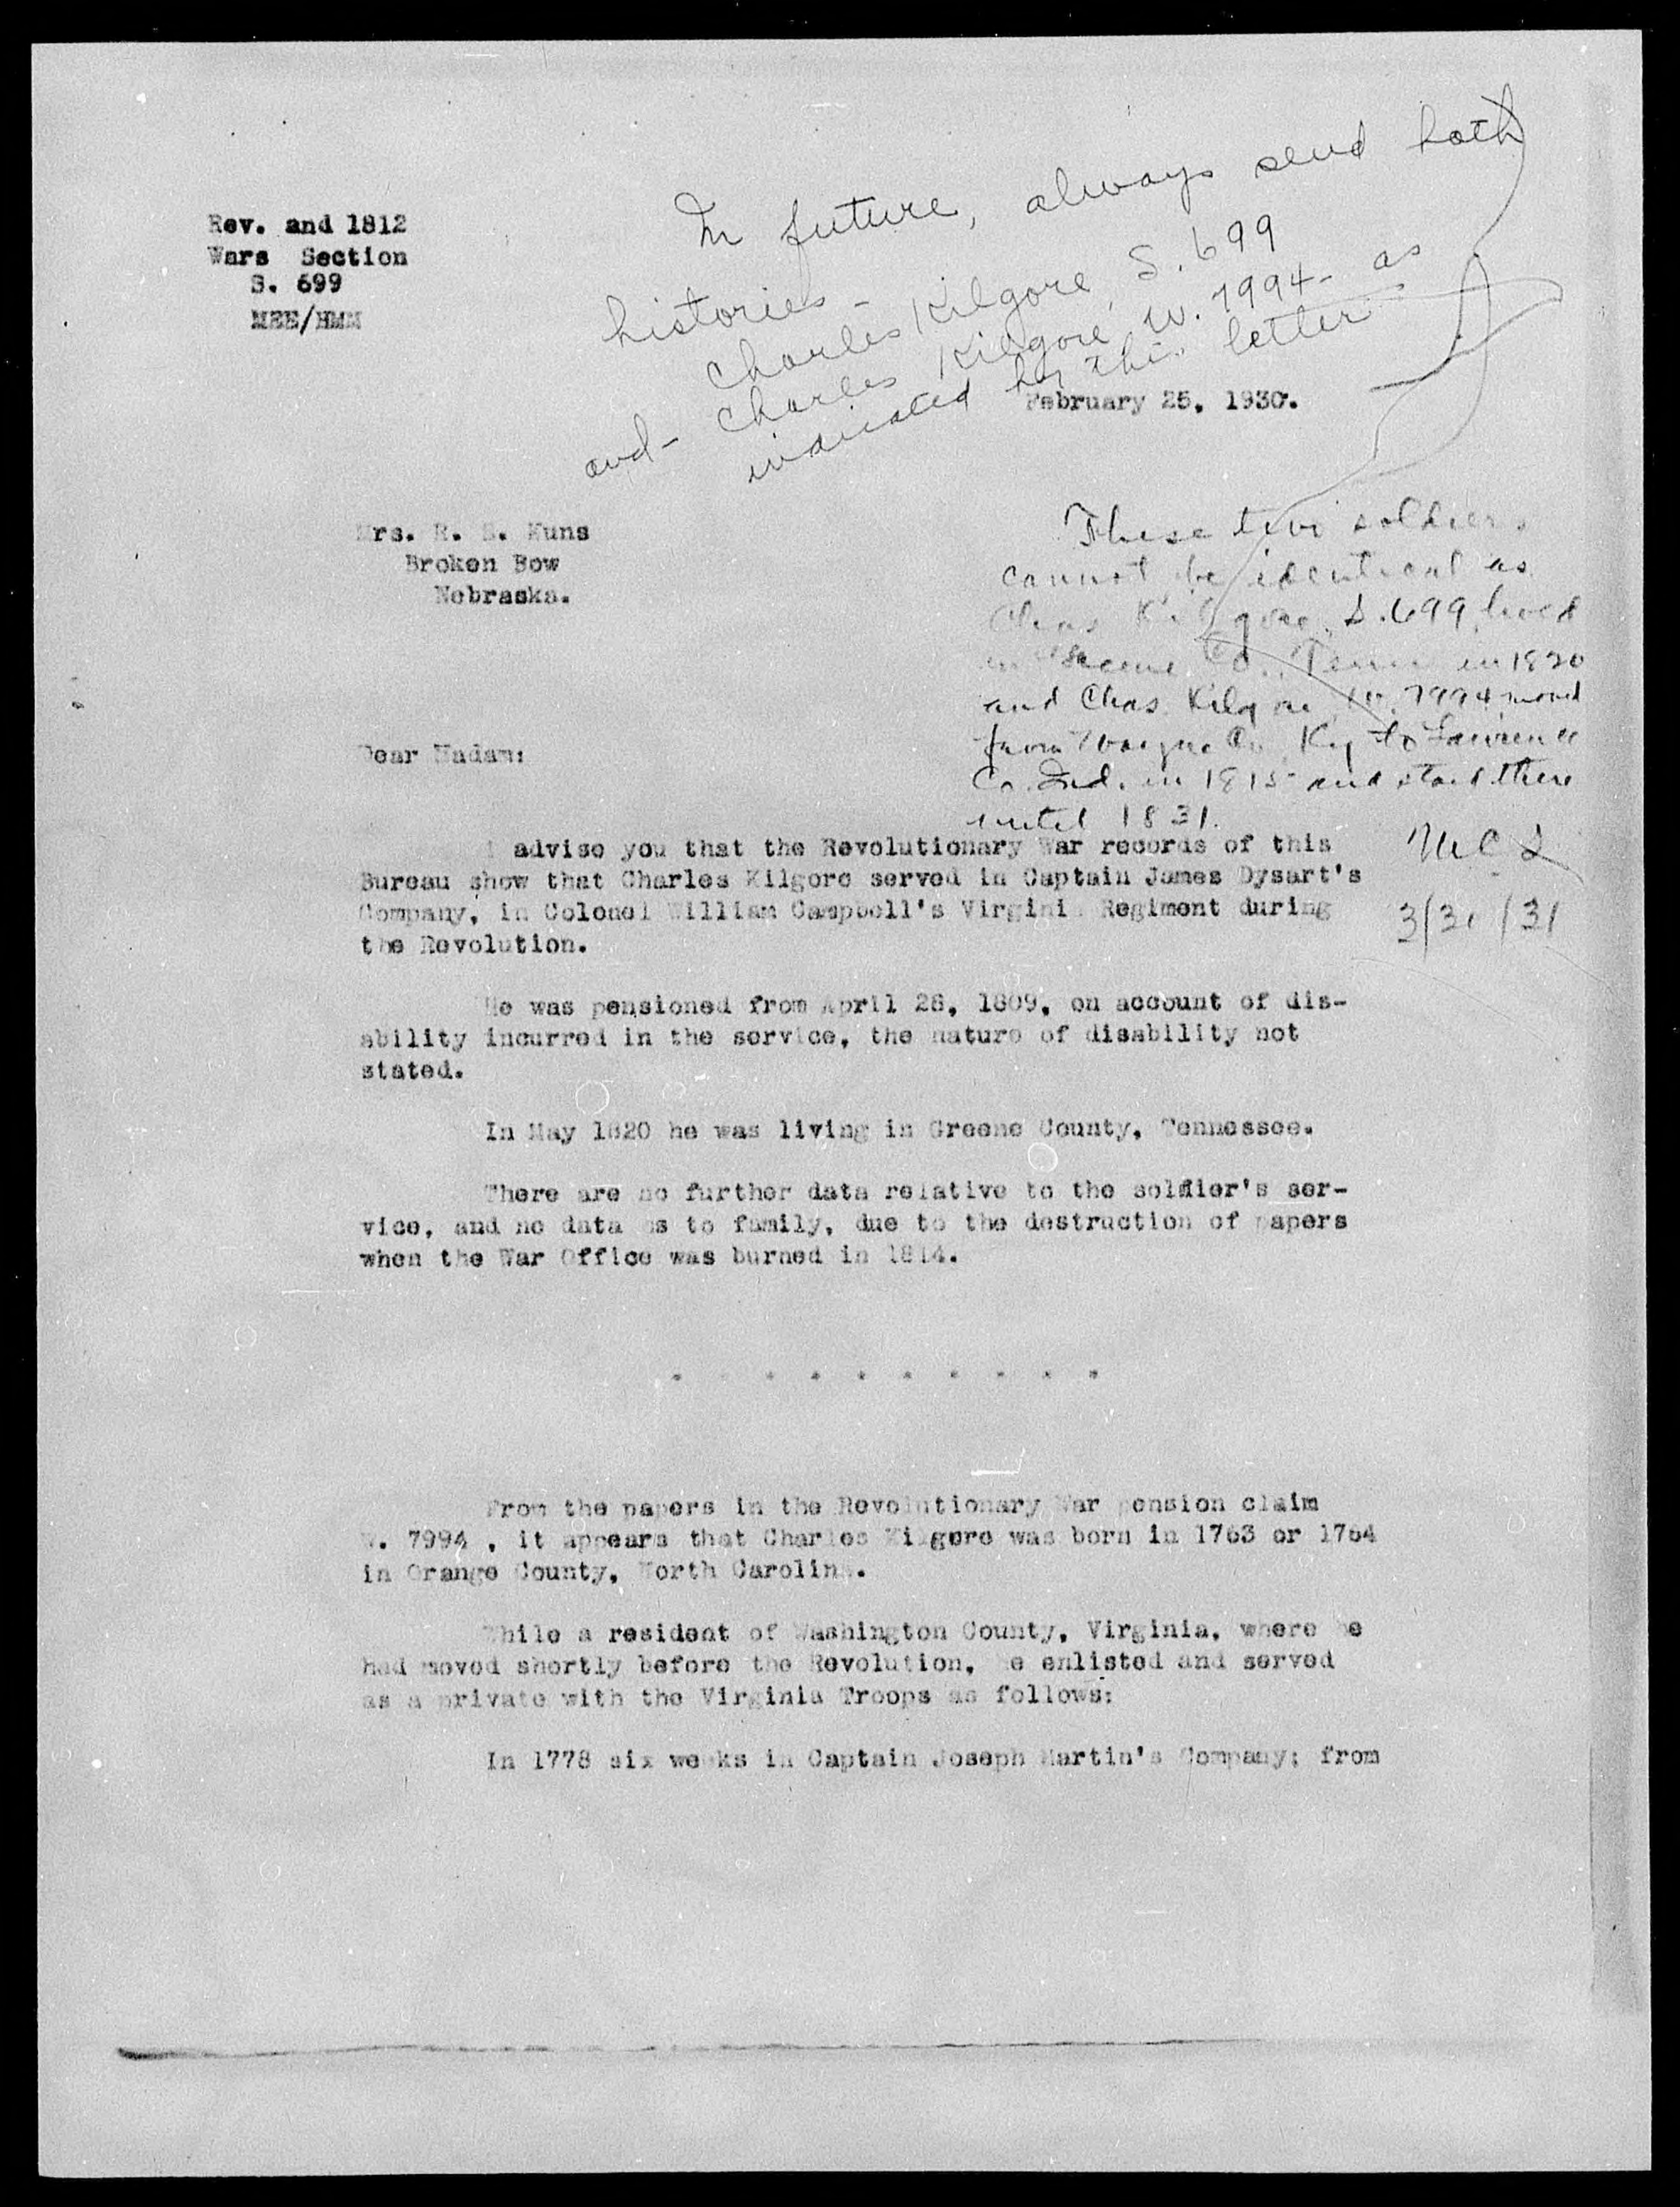[the following are handwritten notes]
In future, always send both histories - Charles Kilgore, S. 699 and - Charles Kilgore W. 1994 - as indicated for this letter.
These two soldiers cannot be identical as Chas Kilgore, S. 699, lived in Greene Co. Tenn in 1820 and Chas. Kilgore W. 7994 moved from Wayne Co. Ky to Lawrence Co. Ind. in 1815 and staid there until 1831. WCS 3/31/31

Rev. and 1812
Wars Section
S. 699
MEE/HMM

February 25, 1930.

Mrs. R. S. Nuns
Broken Bow
Nebraska.

Dear Madam:
I advise you that the Revolutionary War records of this Bureau show that Charles Kilgore served in Captain James Dysart's Company, in Colonel William Campbell's Virginia Regiment during the Revolution.
He was pensioned from April 28, 1809, on account of disability incurred in the service, the nature of disability not stated.
In May 1820 he was living in Greene County, Tennessee.
There are no further data relative to the soldier's service, and no data as to family, due to the destruction of papers when the War Office was burned in 1814.
**********
From the papers in the Revolutionary War pension claim W. 7994, it appears that Charles Kilgore was born in 1763 or 1764 in Orange County, North Carolina.
While a resident of Washington County, Virginia, where he had moved shortly before the Revolution, he enlisted and served as a private with the Virginia Troops as follows:
In 1778 as weeks in Captain Joseph Martin's Company; from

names: Charles Kilgore; R S Kuns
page: 26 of 115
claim: survivor's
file: S. 699, for Charles Kilgore, Virginia